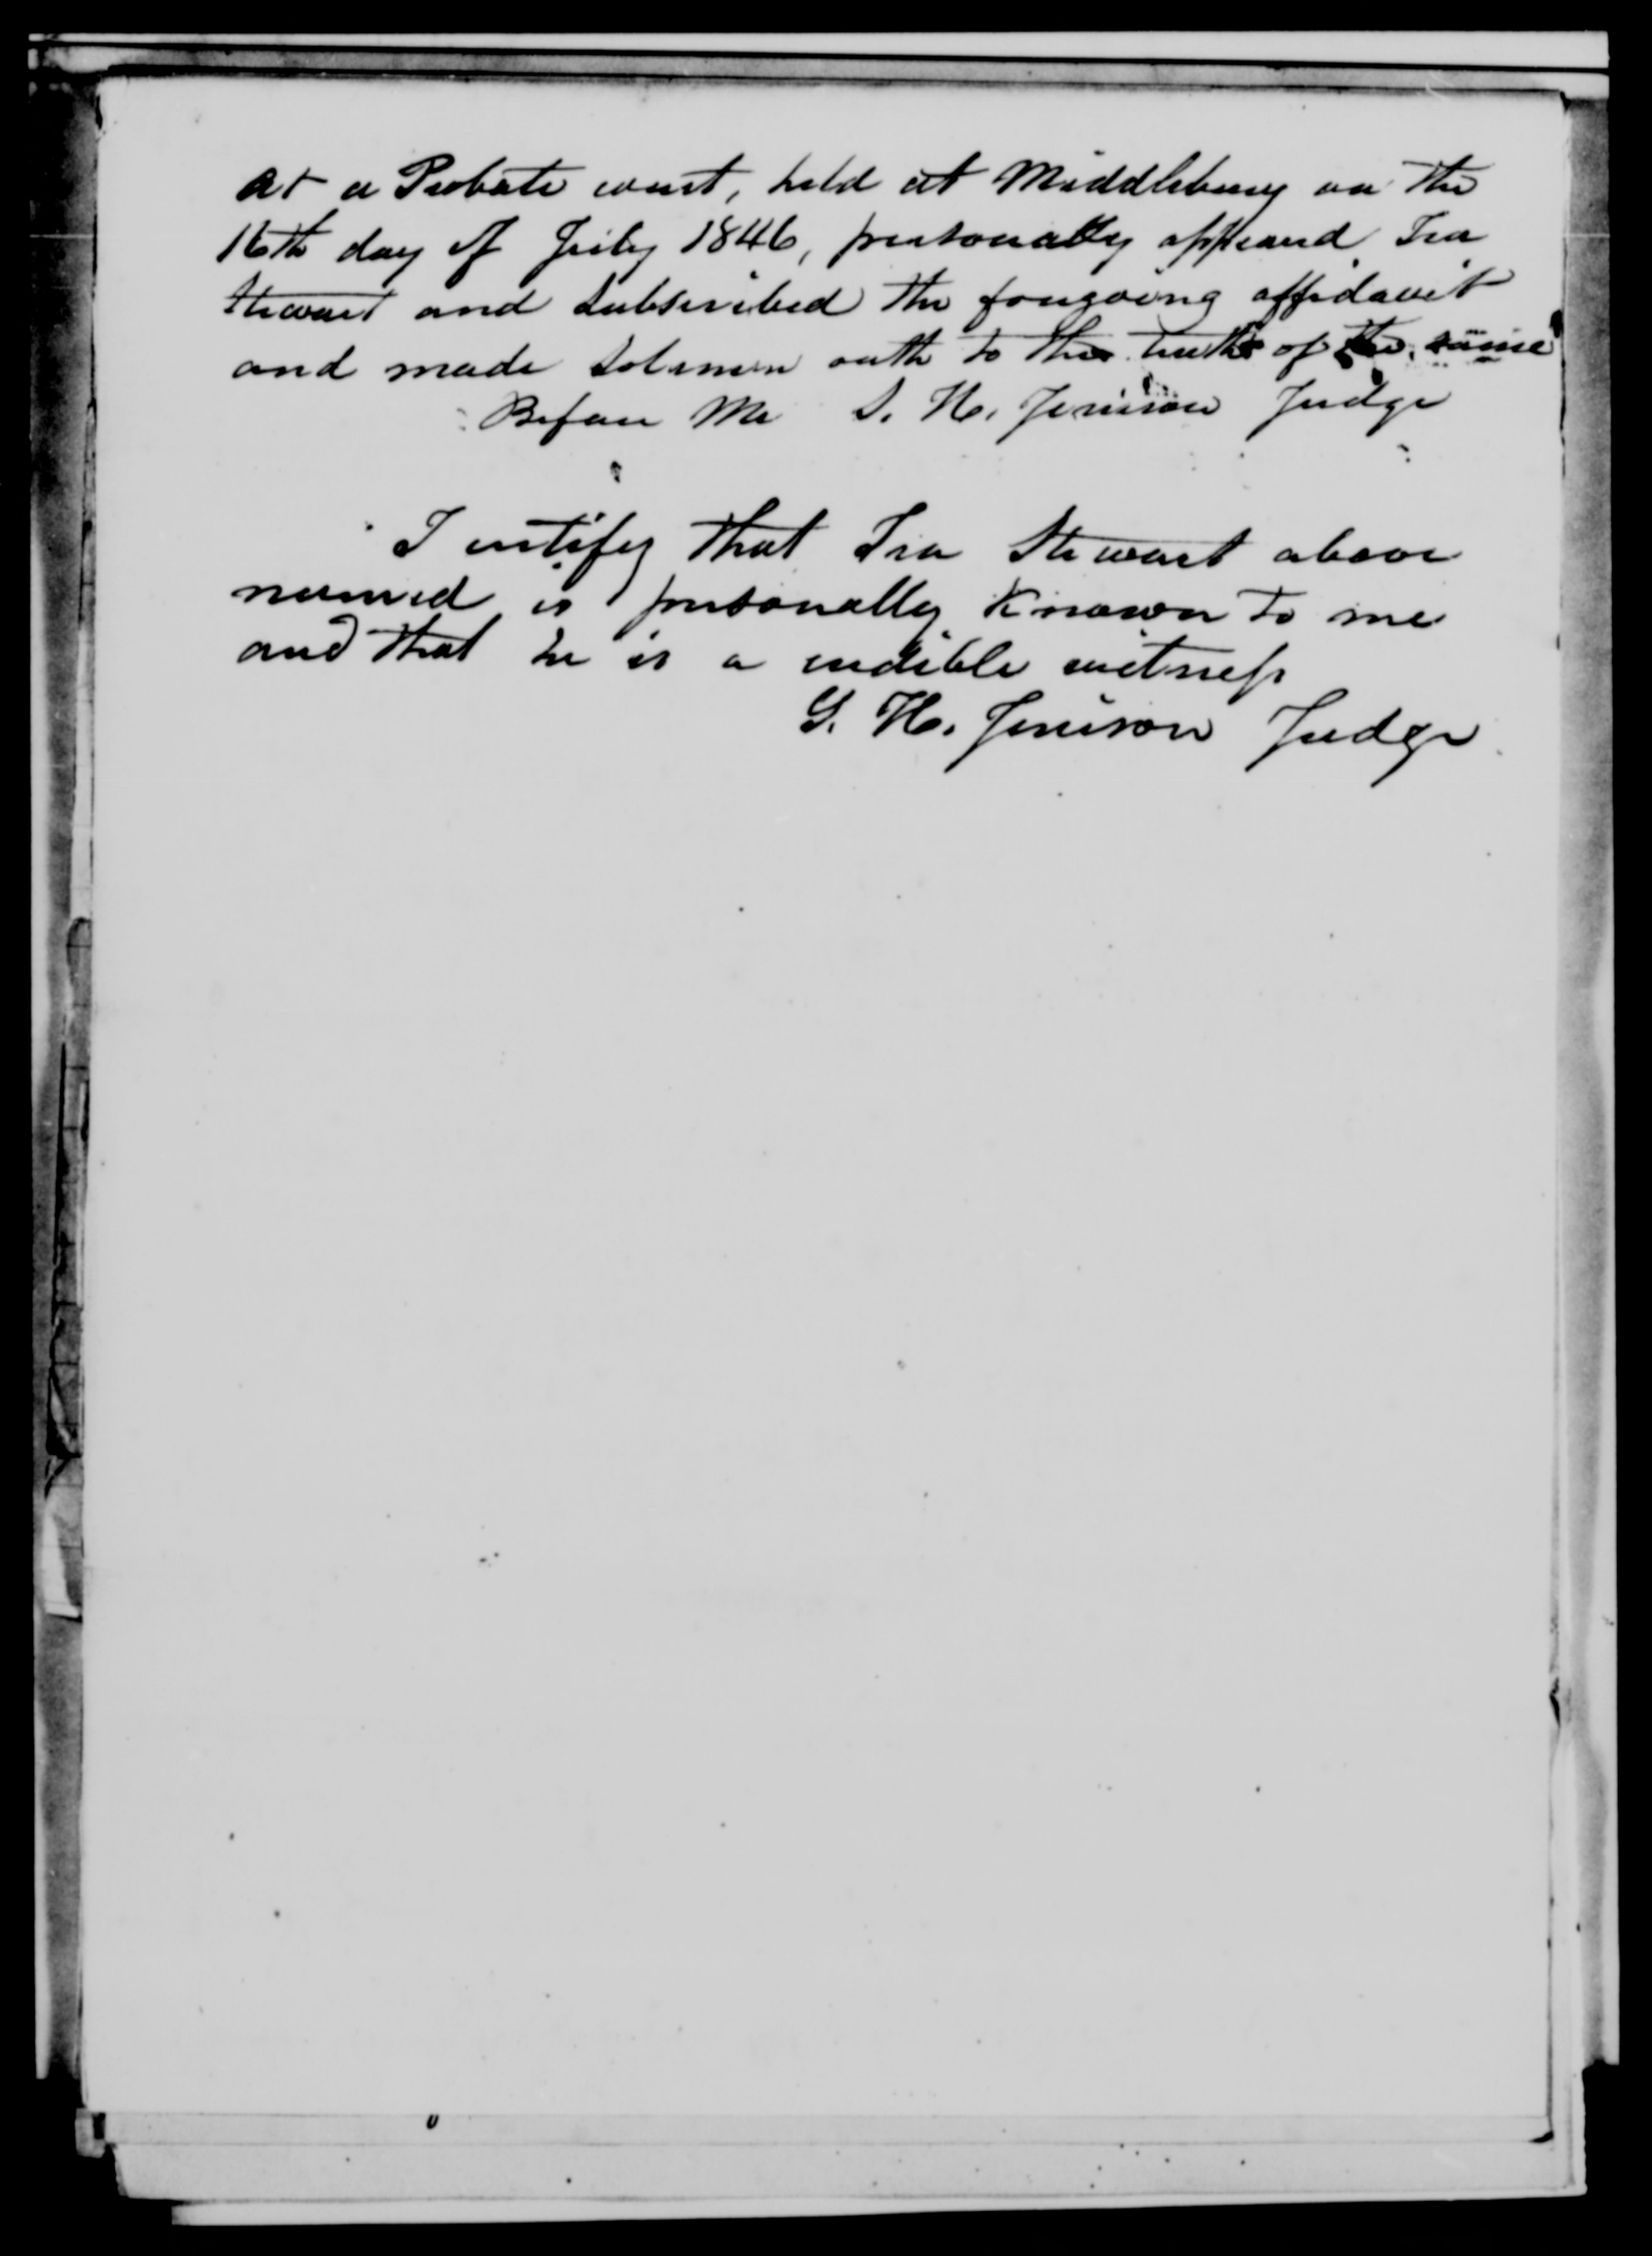at a Probate Court, held at Middlebury on the
16th day of July 1846, personally appeared Ian Stewart and subscribed the foregoing affidavit
and made solemn oath to the truth of the sesrvice
Before me S. H. Jenison Judge
I certify that Ira Stewart above
named, is personally known to me
and that he is a credible witness
[Signature] G. H. Harrison Judge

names: S H Jenison; Ira Stewart; Ira Stewart; S H Jenison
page: 10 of 26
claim: rejected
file: R. 10,154, for John Stewart, New Hampshire